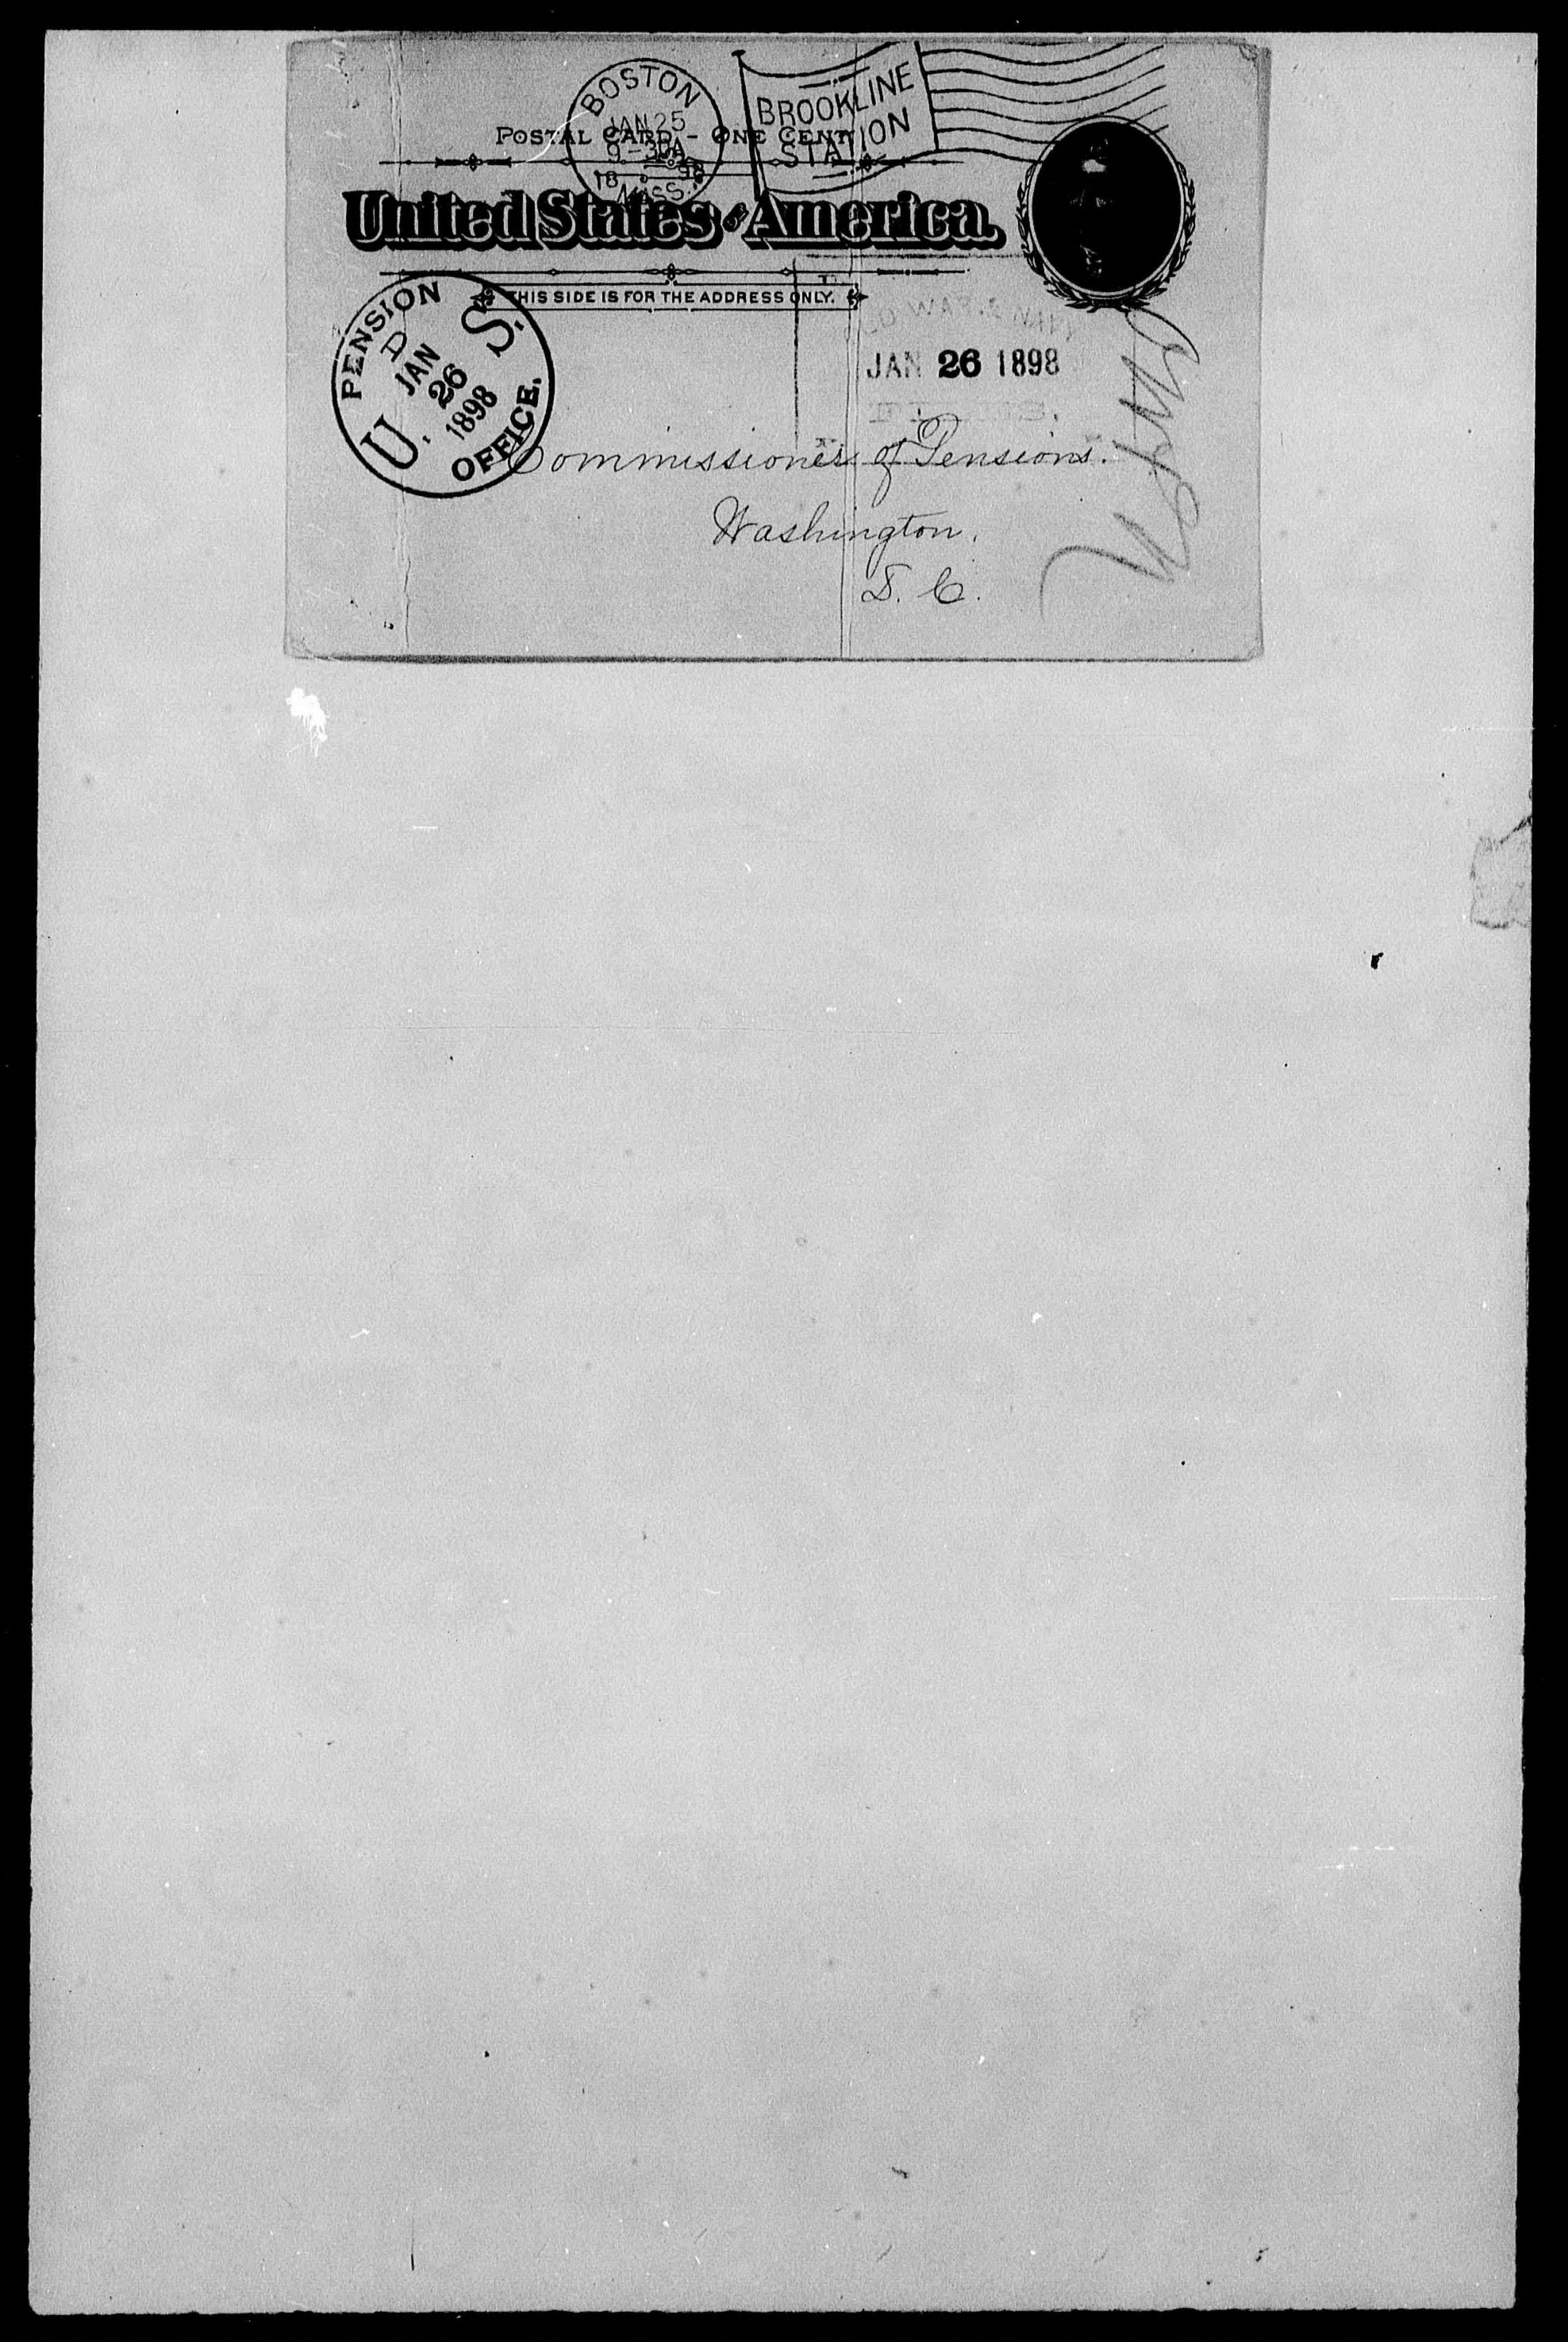[image of a post card]

POSTAL CARD - ONE CENT

United States of America

[oval image on right, too dark to make out]


THIS SIDE IS FOR THE ADDRESS ONLY

Commissioner of Pensions
Washington D. C.



[four stamps:]

BOSTON MASS. JAN 25 9-30A  1898

BROOKLINE STATION

US PENSION OFFICE  D  JAN 26, 1898

OLD WAR & NAVY  JAN 26, 1898  FILES.

{something illegible scribbled on the right]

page: 37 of 43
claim: widow's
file: W 683, John Daniels, Continental Mass. N.H.